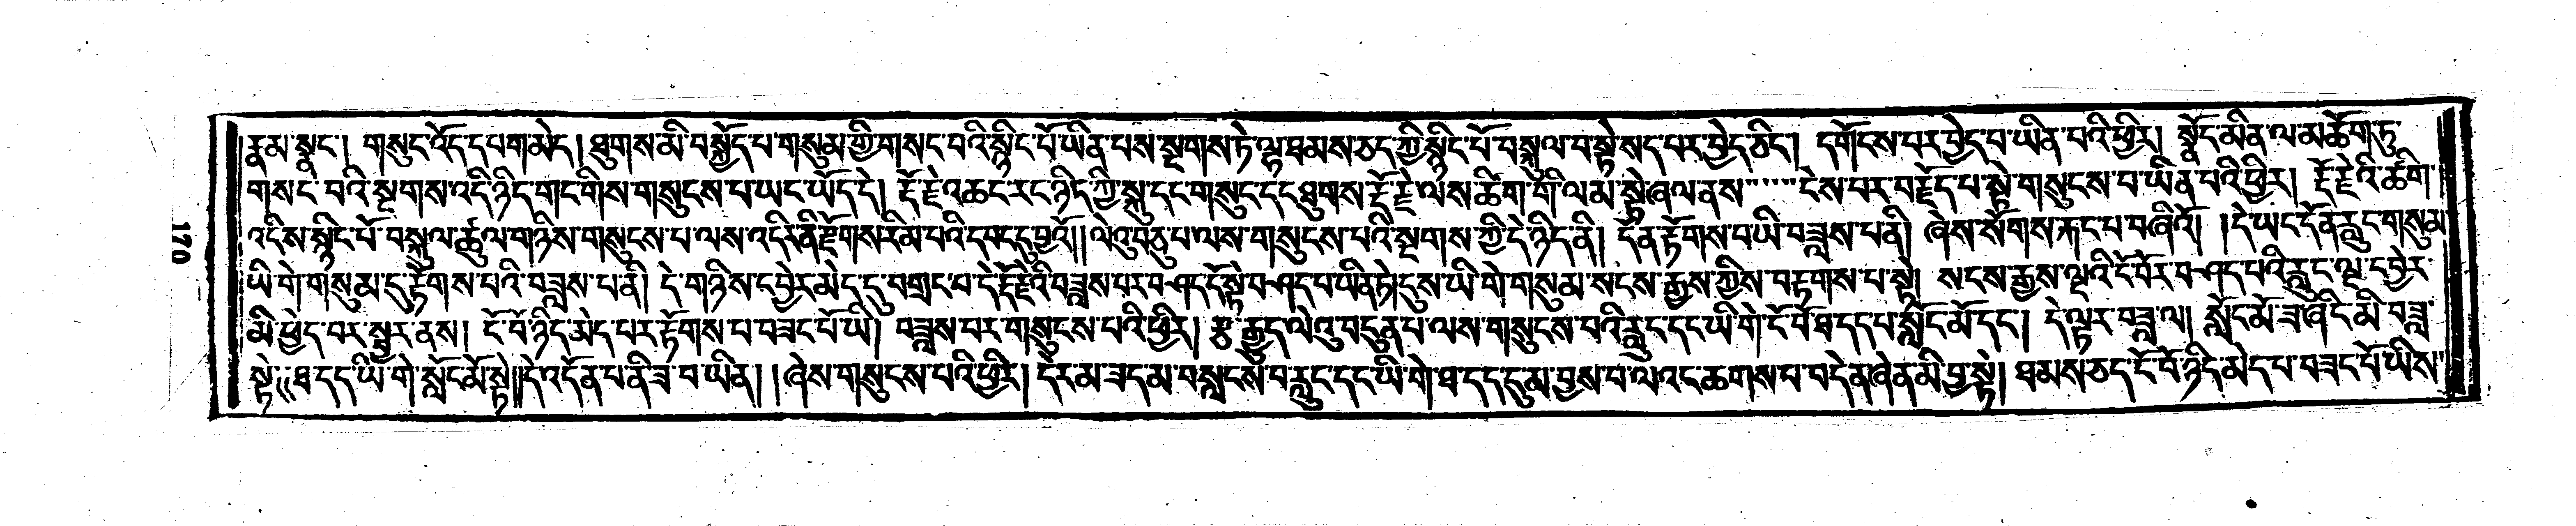རྣམ་སྣང་། གསུང་འོད་དཔག་མེད། ཐུགས་མི་བསྐྱོད་པ་གསུམ་གྱི་གསང་བའི་སྙིང་པོ་ཡིན་པས་སྔགས་ཏེ་ལྷ་ཐམས་ཅད་ཀྱི་སྙིང་པོ་བསྐུལ་བ་སྟེ་སད་པར་བྱེད་ཅིང་། དགོངས་པར་བྱེད་པ་ཡིན་པའི་ཕྱིར། སྣོད་མིན་ལ་མཆོག་ཏུ་
གསང་བའི་སྔགས་འདི་ཉིད་གང་གིས་གསུངས་པ་ཡང་ཡོད་དེ། རྡོ་རྗེ་འཆང་རང་ཉིད་ཀྱི་སྐུ་དང་གསུང་དང་ཐུགས་རྡོ་རྗེ་ལས་ཚིག་གི་ལམ་སྟེ་ཞལ་ནས་ངེས་པར་བརྗོད་པ་སྟེ་གསུངས་པ་ཡིན་པའི་ཕྱིར། རྡོ་རྗེའི་ཚིག་
འདིས་སྙིང་པོ་བསྐུལ་ཚུལ་གཉིས་གསུངས་པ་ལས་འདིར་ནི་རྫོགས་རིམ་པའི་དབང་དུ་བྱའོ། །ལེའུ་བཅུ་པ་ལས་གསུངས་པའི་སྔགས་ཀྱི་དེ་ཉིད་ནི། དོན་རྟོགས་པ་ཡི་བཟླས་པ་ནི། ཞེས་སོགས་རྐང་པ་བཞིའོ། །དེ་ཡང་དོན་རླུང་གསུམ་
ཡི་གེ་གསུམ་དུ་རྟོགས་པའི་བཟླས་པ་ནི། དེ་གཉིས་དབྱེར་མེད་དུ་བགྲང་བ་དེ་རྡོ་རྗེའི་བཟླས་པར་བཤད་དོ་སྟེ་བཤད་པ་ཡིན་ཏེ། དུས་ཡི་གེ་གསུམ་སངས་རྒྱས་ཀྱིས་བརྟགས་པ་སྟེ། སངས་རྒྱས་ལྔའི་ངོ་བོར་བཤད་པའི་རླུང་ལྔ་དབྱེར་
མི་ཕྱེད་པར་སྦྱར་ནས། ངོ་བོ་ཉིད་མེད་པར་རྟོགས་པ་བཟང་པོ་ཡི། བཟླས་པར་གསུངས་པའི་ཕྱིར། རྩ་རྒྱུད་ལེའུ་བདུན་པ་ལས་གསུངས་པའི་རླུང་དང་ཡི་གེ་ངོ་བོ་ཐ་དད་པ་སློང་མོ་དང་། དེ་ལྟར་བཟླ་ལ། སློང་མོ་ཟ་ཞིང་མི་བཟླ་
སྟེ༑ ༑ཐ་དད་ཡི་གེ་སློང་མོ་སྟེ། །དེ་འདོན་པ་ནི་ཟ་བ་ཡིན། །ཞེས་གསུངས་པའི་ཕྱིར། དེར་མ་ཟད་པ་བསླངས་པ་རླུང་དང་ཡི་གེ་ཐ་དད་དུ་མ་བྱས་པ་ལའང་ཆགས་པ་བདེན་ཞེན་མི་བྱ་སྟེ། ཐམས་ཅད་ངོ་བོ་ཉིད་མེད་པ་བཟང་པོ་ཡིས།